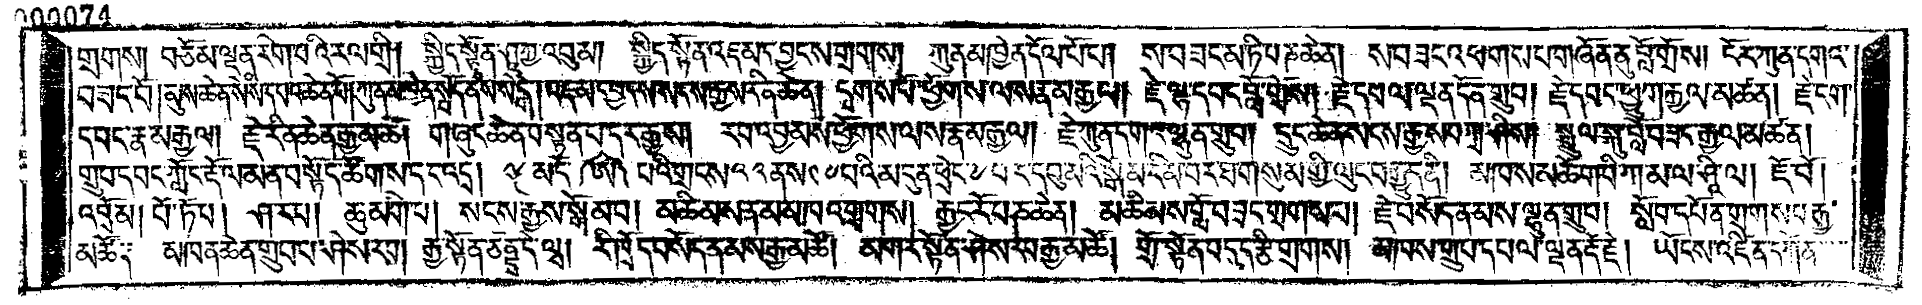གྲགས། བཅོམ་ལྡན་རིག་པའི་རལ་གྲི། སྐྱིད་སྟོན་ཤཱཀྱ་འབུམ། སྐྱིད་སྟོན་འཇམ་དབྱངས་གྲགས། ཀུན་མཁྱེན་དོལ་ལོ་པ། ས་བཟང་མ་ཏི་པཎ་ཆེན། ས་བཟང་འཕགས་པ་གཞོན་ནུ་བློ་གྲོས། ངོར་ཀུན་དགའ་
བཟང་བོ་།མུས་ཆེན་སེཾས་དཔའ་ཆེན་པོ། ཀུན་མཁྱེན་སྦོད་ནས་སེངྒེ།  འཇམ་དབྱངས་སངས་རྒྱས་རིན་ཆེན། དྭགས་པོ་ཕྱོགས་ལས་རྣམ་རྒྱལ། རྗེ་ལྷ་དབང་བློ་གྲོས། རྗེ་དཔལ་ལྡན་དོན་གྲུབ། རྗེ་དབང་ཕྱུག་རྒྱལ་མཚན། རྗེ་ངག་
དབང་རྣམ་རྒྱལ། རྗེ་རིན་ཆེན་རྒྱ་མཚོ། གཞུང་ཆེན་བསྟན་པ་དར་རྒྱས། རབ་འབྱམས་ཕྱོགས་ལས་རྣམ་རྒྱལ། རྗེ་ཀུན་དགའ་ལྷུན་གྲུབ། དྲུང་ཆེན་སངས་རྒྱས་བཀྲ་ཤིས། སྤྲུལ་སྐུ་བློ་བཟང་རྒྱལ་མཚན།
གྲུབ་དབང་ཀློང་རྡོ་ལ་མན་བསྟོད་ཚོགས་དང་འདྲ། ༈ མདོ ༼ཨ༽ པའི་གྲངས ༢༢་ནས་༈༤༧་པའི་མདུན་ཕྲེང ༧་བར་དབུ་མའི་སྒོམ་རིམ་བར་ཐ་གསུམ་གྱི་ལུང་བརྒྱུད་ནི། མཁས་མཆོག་བི་ཀ་མ་ལ་ཤཱི་ལ། ཇོ་བོ།
འབྲོམ། པོ་ཏོ་པ། ཤ་ར་པ། ཆུ་མིག་པ། སངས་རྒྱས་སྒོམ་པ། མཆིམས་ནམ་ཁའ་གྲགས། རྒྱང་རོ་པཎ་ཆེན། མཆིམས་བློ་བཟང་གྲགས་པ། རྗེ་བསོད་ནམས་ལྷུན་གྲུབ། སློབ་དཔོན་གྲགས་པ་རྒྱ་
མཚོ༑ མཁན་ཆེན་གྲུབ་པ་ཤེས་རབ། རྒྱ་སྟོན་ཙྣྡྲ་དེ་ལྭ། རི་ཁྲོད་བསོད་ནམས་རྒྱ་མཚོ། མགར་སྟོན་ཤེས་རབ་རྒྱ་མཚོ། གྲོ་སྟོན་བདུད་རྩི་གྲགས། མཁས་གྲུབ་དཔལ་ལྡན་རྡོ་རྗེ། ཡོངས་འཛིན་དཀོན་